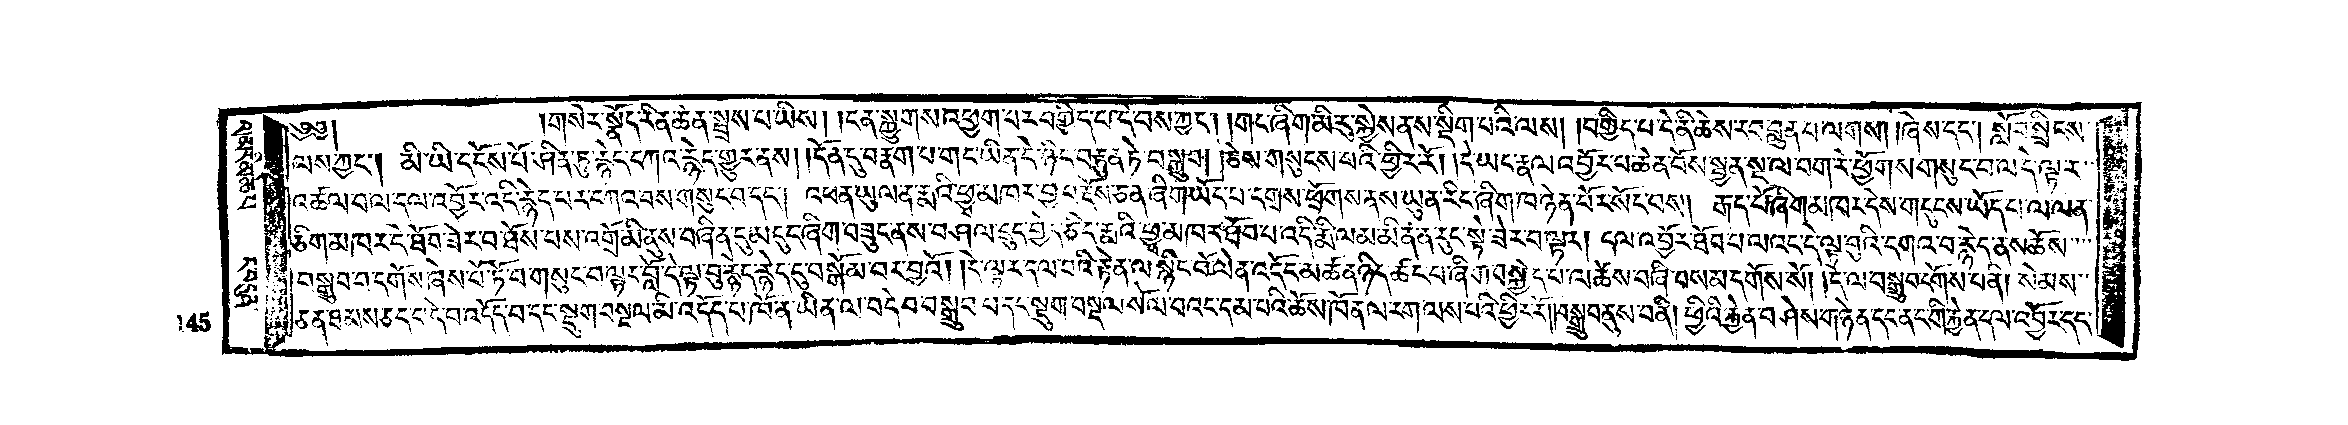༄༅། །གསེར་སྣོད་རིན་ཆེན་སྤྲས་པ་ཡིས། །ངན་སྐྱུགས་འཕྱག་པར་བགྱིད་པ་དེ་བས་ཀྱང་། །གང་ཞིག་མི་རུ་སྐྱེས་ནས་སྡིག་པའི་ལས། །བགྱིད་པ་དེ་ནི་ཆེས་རབ་བླུན་པ་ལགས། །ཞེས་དང་། སློབ་སྤྲིངས་
ལས་ཀྱང་། མི་ཡི་དངོས་པོ་ཤིན་ཏུ་རྙེད་དཀའ་རྙེད་གྱུར་ནས། །དོན་དུ་བྲང་པ་གང་ཡིན་དེ་ཉིད་བརྟུན་ཏེ་བསྒྲུབ། །ཅེས་གསུངས་པའི་ཕྱིར་རོ། །དེ་ཡང་རྣལ་འབྱོར་པ་ཆེན་པོས་སྤྱན་སྔ་ལ་བག་རེ་ཕྱོགས་གསུང་བ་ལ་དེ་ལྟར་
འཚལ་བ་ལ་དལ་འབྱོར་འདི་རྙེད་པར་དཀའ་བར་གསུང་བ་དང་། འཕན་ཡུལ་ན་རྨའི་ཕྱྭ་མཁར་བྱ་བ་རྡོས་ཅན་ཞིག་ཡོད་པ་དགྲས་ཕྲོགས་ནས་ཡུན་རིང་ཞིག་ཁ་ཉེན་པོར་སོང་བས། རྒད་པོ་ཞིག་མཁར་དེས་གདུངས་ཡོད་པ་ལ་ལན་
ཅིག་མཁར་དེ་ཐོབ་ཟེར་བ་ཐོས་པས་འགྲོ་མི་ནུས་བཞིན་དུ་མདུང་ཞིག་བཟུང་ནས་བཤལ་དྲུད་བྱེད་ཅིང་རྨའི་ཕྱྭ་མཁར་ཐོབ་པ་འདི་རྨི་ལམ་མིན་ན་རུང་སྟེ་ཟེར་བ་ལྟར། དལ་འབྱོར་ཐོབ་པ་ལའང་དེ་ལྟ་བུའི་དགའ་བ་རྙེད་ནས་ཆོས་
བསྒྲུབ་པ་དགོས་ཞེས་པོ་ཏོ་བ་གསུང་བ་ལྟར་བློ་དེ་ལྟ་བུ་རྙེད་རྙེད་དུ་བསྒོམ་པར་བྱའོ། །དེ་ལྟར་དལ་བའི་རྟེན་ལ་སྙིང་པོ་ལེན་འདོད་མཚན་ཉིད་ཚང་བ་ཞིག་བསྐྱེད་པ་ལ་ཆོས་བཞི་བསམ་དགོས་སོ། །དེ་ལ་བསྒྲུབ་དགོས་པ་ནི། སེམས་
ཅན་ཐམས་ཅད་པ་བདེ་བ་འདོད་བ་དང་སྡུག་བསྔལ་མི་འདོད་པ་ཁོ་ན་ཡིན་ལ་བདེ་བ་བསྒྲུབ་པ་དང་སྡུག་བསྔལ་སེལ་བའང་དམ་རག་ལས་པའི་ཕྱིར་རོ། །བསྒྲུབ་ནུས་བ་ནི། ཕྱིའི་རྐྱེན་བཤེས་གཉེན་དང་ནང་གི་རྐྱེན་དལ་འབྱོར་དང་